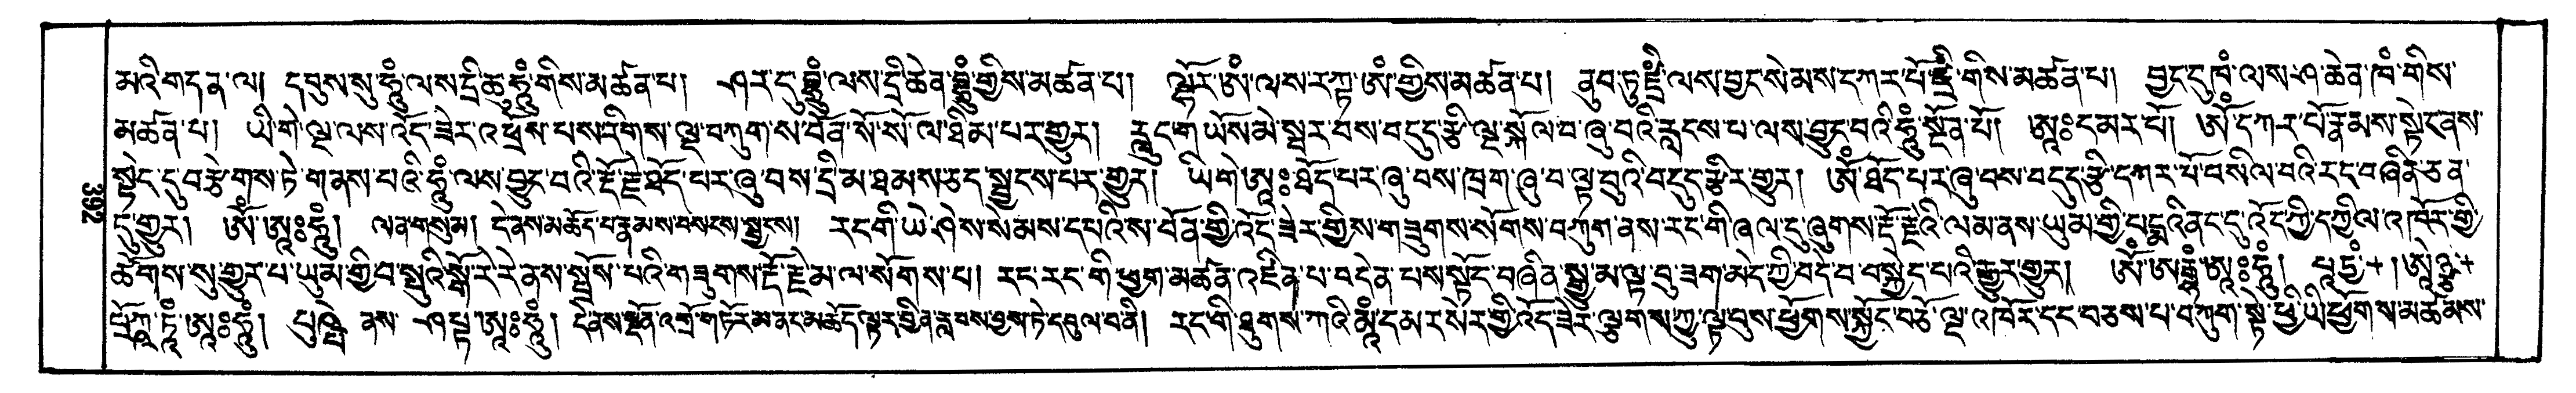མའི་གདན་ལ། དབུས་སུ་ཧཱུཾ་ལས་དྲི་ཆུ་ཧཱུམ་གིས་མཚན་པ། ཤར་དུ་བྷྲུཾ་ལས་དྲི་ཆེན་བྷྲཱུཾ་གྱིས་མཚན་པ། ལྷོར་ཨཾ་ལས་ར་སྟ་ཨཾ་གྱིས་མཚན་པ། ནུབ་ཏུ་ཛྲིཾ་ལས་བྱང་སེམས་དཀར་པོ་ཛྲིཾ་གིས་མཚན་པ། བྱང་དུ་ཁཾ་ལས་ཤ་ཆེན་ཁཾ་གིས་
མཚན་པ། ཡི་གེ་ལྔ་ལས་འོད་ཟེར་འཕྲོས་པས་རིགས་ལྔ་བཀུག་ས་བོན་སོ་སོ་ལ་ཐིམ་པར་གྱུར། རླུང་གཡོས་མེ་སྦར་བས་བདུད་རྩི་ལྔ་སྐོལ་བ་ཞུ་བའི་རླངས་པ་ལས་བྱུང་བའི་ཧཱུཾ་སྔོན་པོ། ཨཱཿ དམར་པོ། ཨོཾ་དཀར་པོ་རྣམས་སྟེང་ནས་
སྟེང་དུ་བརྩེགས་ཏེ་གནས་བའི་ཧཱུཾ་ལས་བྱུང་བའི་རྡོ་རྗེ་ཐོད་པར་ཞུ་བས་དྲི་མ་ཐམས་ཅད་སྦྱངས་པར་གྱུར། ཡི་གེ་ཨཱཿ ཐོད་པར་ཞུ་བས་ཁྲག་ཞུ་བ་ལྟ་བུའི་བདུད་རྩིར་གྱུར། ཨོཾ་ཐོད་པར་ཞུ་བས་བདུད་རྩི་དཀར་པོ་བསིལ་བའི་རང་བཞིན་ཅན་
དུ་གྱུར། ཨོཾ་ཨཱཿ ཧཱུཾ། ལན་གསུམ། དེ་ནས་མཆོད་པ་རྣམས་བསངས་སྦྱངས། རང་གི་ཡི་ཤེས་སེམས་དཔའི་བོན་གྱི་འོད་ཟེར་གྱིས་གཟུགས་སོགས་བཀུག་ནས་རང་གི་ཞལ་དུ་ཞུགས་རྡོ་རྗེའི་ལམ་ནས་ཡུམ་གྱི་པདམའི་ནང་དུ་འོད་ཀྱི་དཀྱིལ་འཁོར་གྱི་
ཚོགས་སུ་གྱུར་པ་ཡུམ་གྱི་བ་སྦུའི་སྒོ་རེ་རེ་ནས་སྤྲོས་པའི་གཟུགས་རྡོ་རྗེ་མ་ལ་སོགས་པ། རང་རང་གི་ཕྱག་མཚན་འཛིན་པ་བདེན་པས་སྟོང་བཞིན་སྒྱུ་མ་ལྟ་བུ་ཟག་མེད་ཀྱི་བདེ་བ་བསྐྱེད་པའི་རྒྱུར་གྱུར། ཨོཾ་ཨ་རྒྷམ་ཨཱཿ པཱ་དྱཾ+། ཨཱ་ཉྩ།
པྲོ་ཀྵ་ཎཱཾ་ཨཱཿ ཧཱུཾ། པུ་ཥྤེ་ནས་ཤྤྟ་ཨཱཿ ཧཱུམ། དེ་ནས་སྔོན་འགྲོ་གཏོར་མནང་མཆོད་ལྟར་བྱིན་རླབས་བྱས་ཏེ་དབུལ་བ་ནི། རང་གི་ཐུགས་ཀའི་མཱམ་དམར་སེར་གྱི་འོད་ཟེར་ལྕགས་ཀྱུ་ལྟ་བུས་ཕྱོགས་སྐྱོང་བཅོ་ལྔ་འཁོར་དང་བཅས་པ་བཀུག་སྟེ་ཕྱི་ཡི་ཕྱོགས་མཚམས་